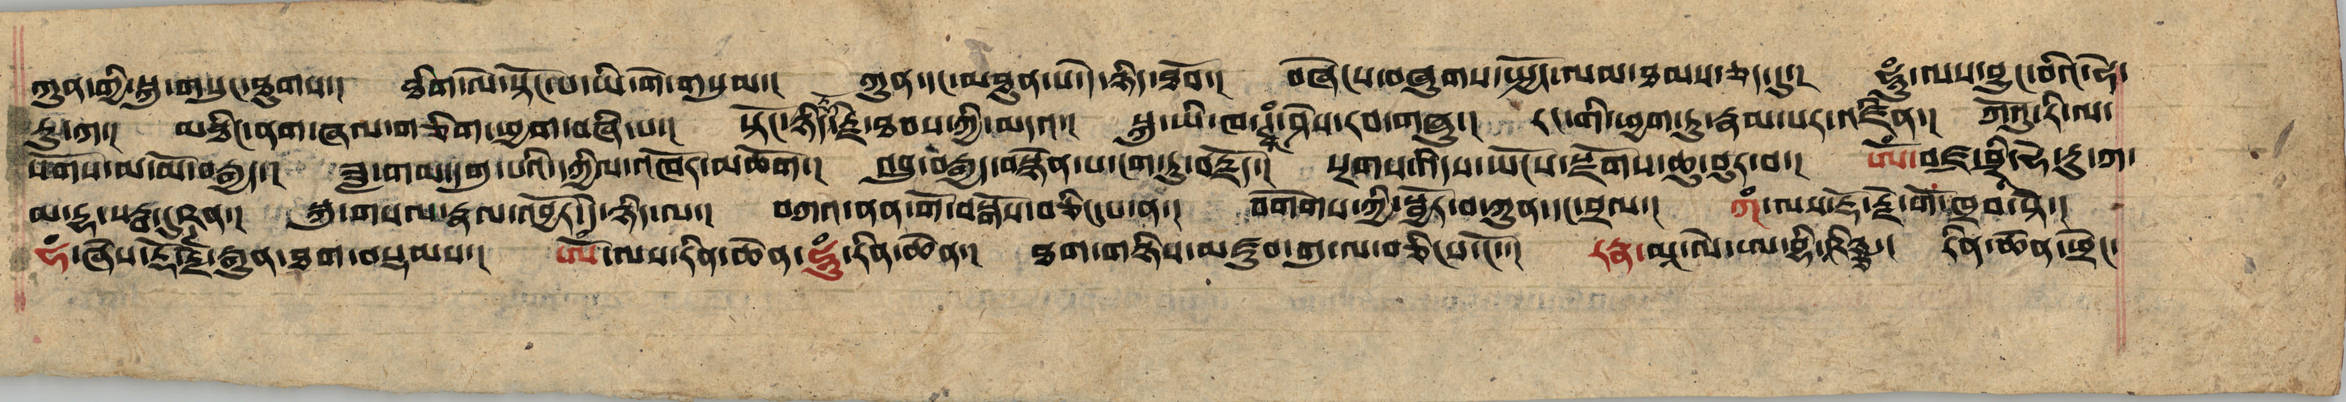ཀུན་གྱི་སྐུ་གསུང་ཐུགས་། ཐིག་ལེ་སྟོང་པ་ཡི་གེ་གསུམ་། ཀུན་དང་མཐུན་པ་དེ་ཉིད་ཐོབ་། བཞེངས་བཞུགས་སྤྱོད་ལམ་ཐམས་ཅད་དུ་། ཧཱུཾ་ལས་བྱུང་བའི་ཧེ་
རུ་ཀ་། མཐིང་ནག་ཞལ་གཅིག་ཕྱག་བཞི་པ་། སྟོང་ཉིད་རྗེ་ཐབས་ཀྱི་མདའ་། སྐུ་ཡི་ཁ་ཊཱཾ་ཤེས་རབ་གཞུ་། རང་གི་ཕྱག་ཏུ་རྣམ་པར་འཛིན་། ཀོའུ་རི་ལ་
སོགས་མ་མོ་བརྒྱད་། ཟླ་གམ་དགུ་པའི་དཀྱིལ་འཁོར་མཆོག་། འབྲུ་བརྒྱད་བསྙེན་པ་ངག་ཏུ་བརྗོད་། སྔགས་འདིས་ཡོངས་སྫོགས་ཆུ་བུར་བ་། ཨོཾ་བཛྲ་ཤྲི་ཧེ་རུ་ཀ་
མ་དྷ་སརྦ་དུཥྚན་། སྐུ་གསལ་རྣལ་འབྱོར་དེ་ཉིད་ལ་། བཀའ་ནན་གོ་བསྒོས་བཅིངས་པ་ན་། བགེགས་ཀྱི་སྦྱོར་བ་ཀུན་དང་བྲལ་། ཀཾ་ལས་རྡོ་རྗེ་གོ་ཁྲབ་སྟེ་།
ཧཾ་ཞེས་རྡོ་རྗེ་རྒྱུན་ཐག་བསྡམས་། ཨོཾ་ལས་རིན་ཆེན་ཧཱུཾ་རིན་ཆེན་། ཐག་གཉིས་མཛུབ་གུ་ལ་བཅིངས་ངོ་་། རཏྣ་མཱ་ལེ་ཨ་བྷི་ཥཱིཉྩ་། རིན་ཆེན་ཕྲེང་